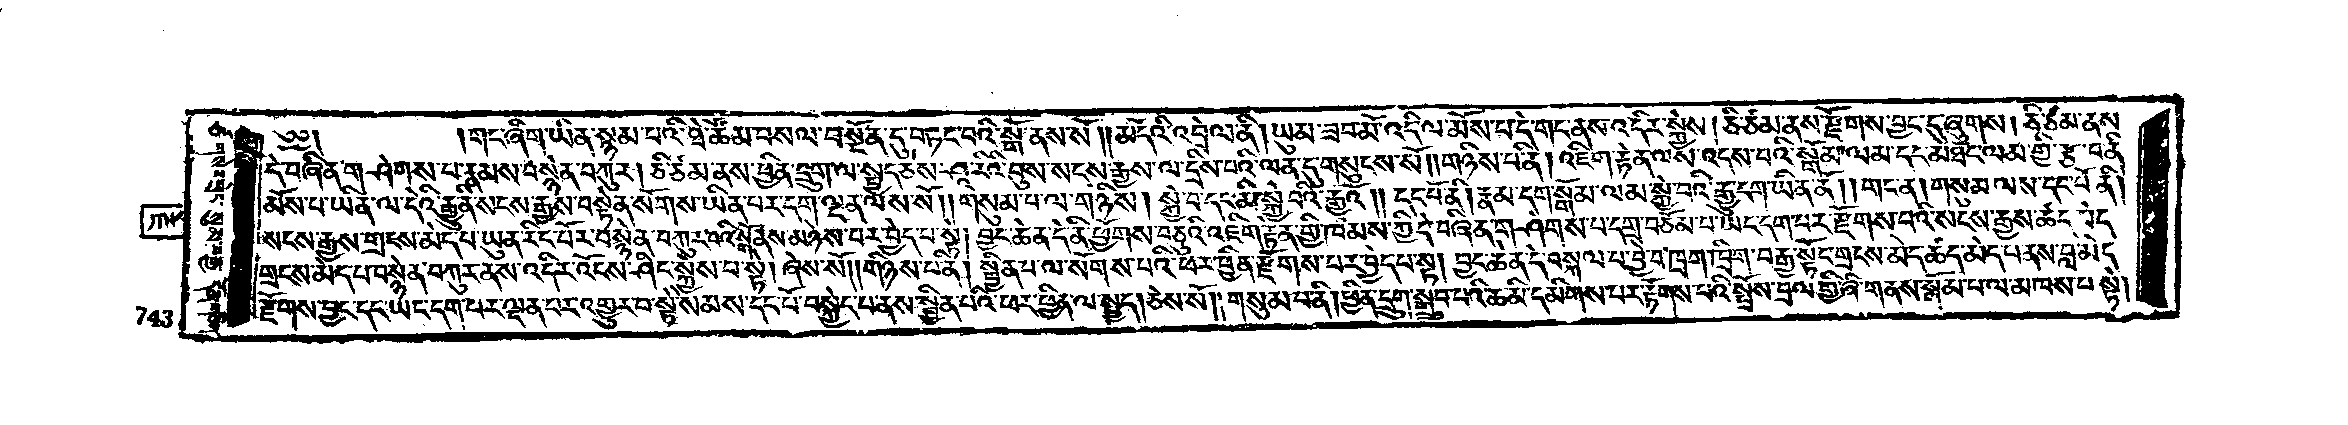༄༅། །གང་ཞིག་ཡིན་སྙམ་པའི་ཐེ་ཚོམ་བསལ་བ་སྔོན་དུ་བཏང་བའི་སྒོ་ནས་སོ། །མདོའི་འབྲེལ་ནི། ཡུམ་ཟབ་མོ་འདི་ལ་མོས་པ་དེ་གང་ནས་འདིར་སྐྱེས། ཅི་ཙམ་ནས་རྫོགས་བྱང་དུ་ཞུགས། ཅི་ཙམ་ནས་
དེ་བཞིན་གཤེགས་པ་རྣམས་བསྙེན་བཀུར། ཅི་ཙམ་ནས་ཕྱིན་དྲུག་ལ་སྤྱད་ཅེས་ཤཱ་རིའི་བུས་སངས་རྒྱས་ལ་དྲིས་པའི་ལན་དུ་གསུངས་སོ། །གཉིས་པ་ནི། འཇིག་རྟེན་ལས་འདས་པའི་སྒོམ་ལམ་དང་མཐོང་ལམ་གྱི་རྩ་བ་ནི་
མོས་པ་ཡིན་ལ་དེའི་རྒྱུ་ནི་སངས་རྒྱས་བསྟེན་སོགས་ཡིན་པར་དག་ལྡན་ལས་སོ། །གསུམ་པ་ལ་གཉིས། སྐྱེ་བ་དང་མི་སྐྱེ་བའི་རྒྱུའོ། །དང་པོ་ནི། རྣམ་དག་སྒོམ་ལམ་སྐྱེ་བའི་རྒྱུ་དག་ཡིན་ནོ། །གང་ན། གསུམ་ལས་དང་པོ་ནི།
སངས་རྒྱས་གྲངས་མེད་པ་ཡུན་རིང་པོར་བསྙེན་བཀུར་བའི་སྒོ་ནས་མཉེས་པར་བྱེད་པ་སྟེ། བྱང་ཆེན་དེ་ནི་ཕྱོགས་བཅུའི་འཇིག་རྟེན་གྱི་ཁམས་ཀྱི་དེ་བཞིན་གཤེགས་པ་དགྲ་བཅོམ་པ་ཡང་དག་པར་རྫོགས་པའི་སངས་རྒྱས་ཚད་མེད་
གྲངས་མེད་པ་བསྙེན་བཀུར་ནས་འདིར་འོངས་ཤིང་སྐྱེས་པ་སྟེ། ཞེས་སོ། །གཉིས་པ་ནི། སྦྱིན་པ་ལ་སོགས་པའི་ཕར་ཕྱིན་རྫོགས་པར་བྱེད་པ་སྟེ། བྱང་ཆེན་དེ་བསྐལ་པ་བྱེ་བ་ཁྲག་ཁྲིག་བརྒྱ་སྟོང་གྲངས་མེད་ཚད་མེད་པ་ནས་བླ་མེད་
རྫོགས་བྱང་དང་ཡང་དག་པར་ལྡན་པར་འགྱུར་བ་སྟེ་སེམས་དང་པོ་བསྐྱེད་པ་ནས་སྦྱིན་པའི་ཕར་ཕྱིན་ལ་སྤྱད། ཅེས་སོ། །གསུམ་པ་ནི། ཕྱིན་དྲུག་སྒྲུབ་པའི་ཆ་མི་དམིགས་པར་རྟོགས་པའི་སྤྲོས་བྲལ་གྱི་ཞི་གནས་སྒོམ་པ་ལ་མཁས་པ་སྟེ།